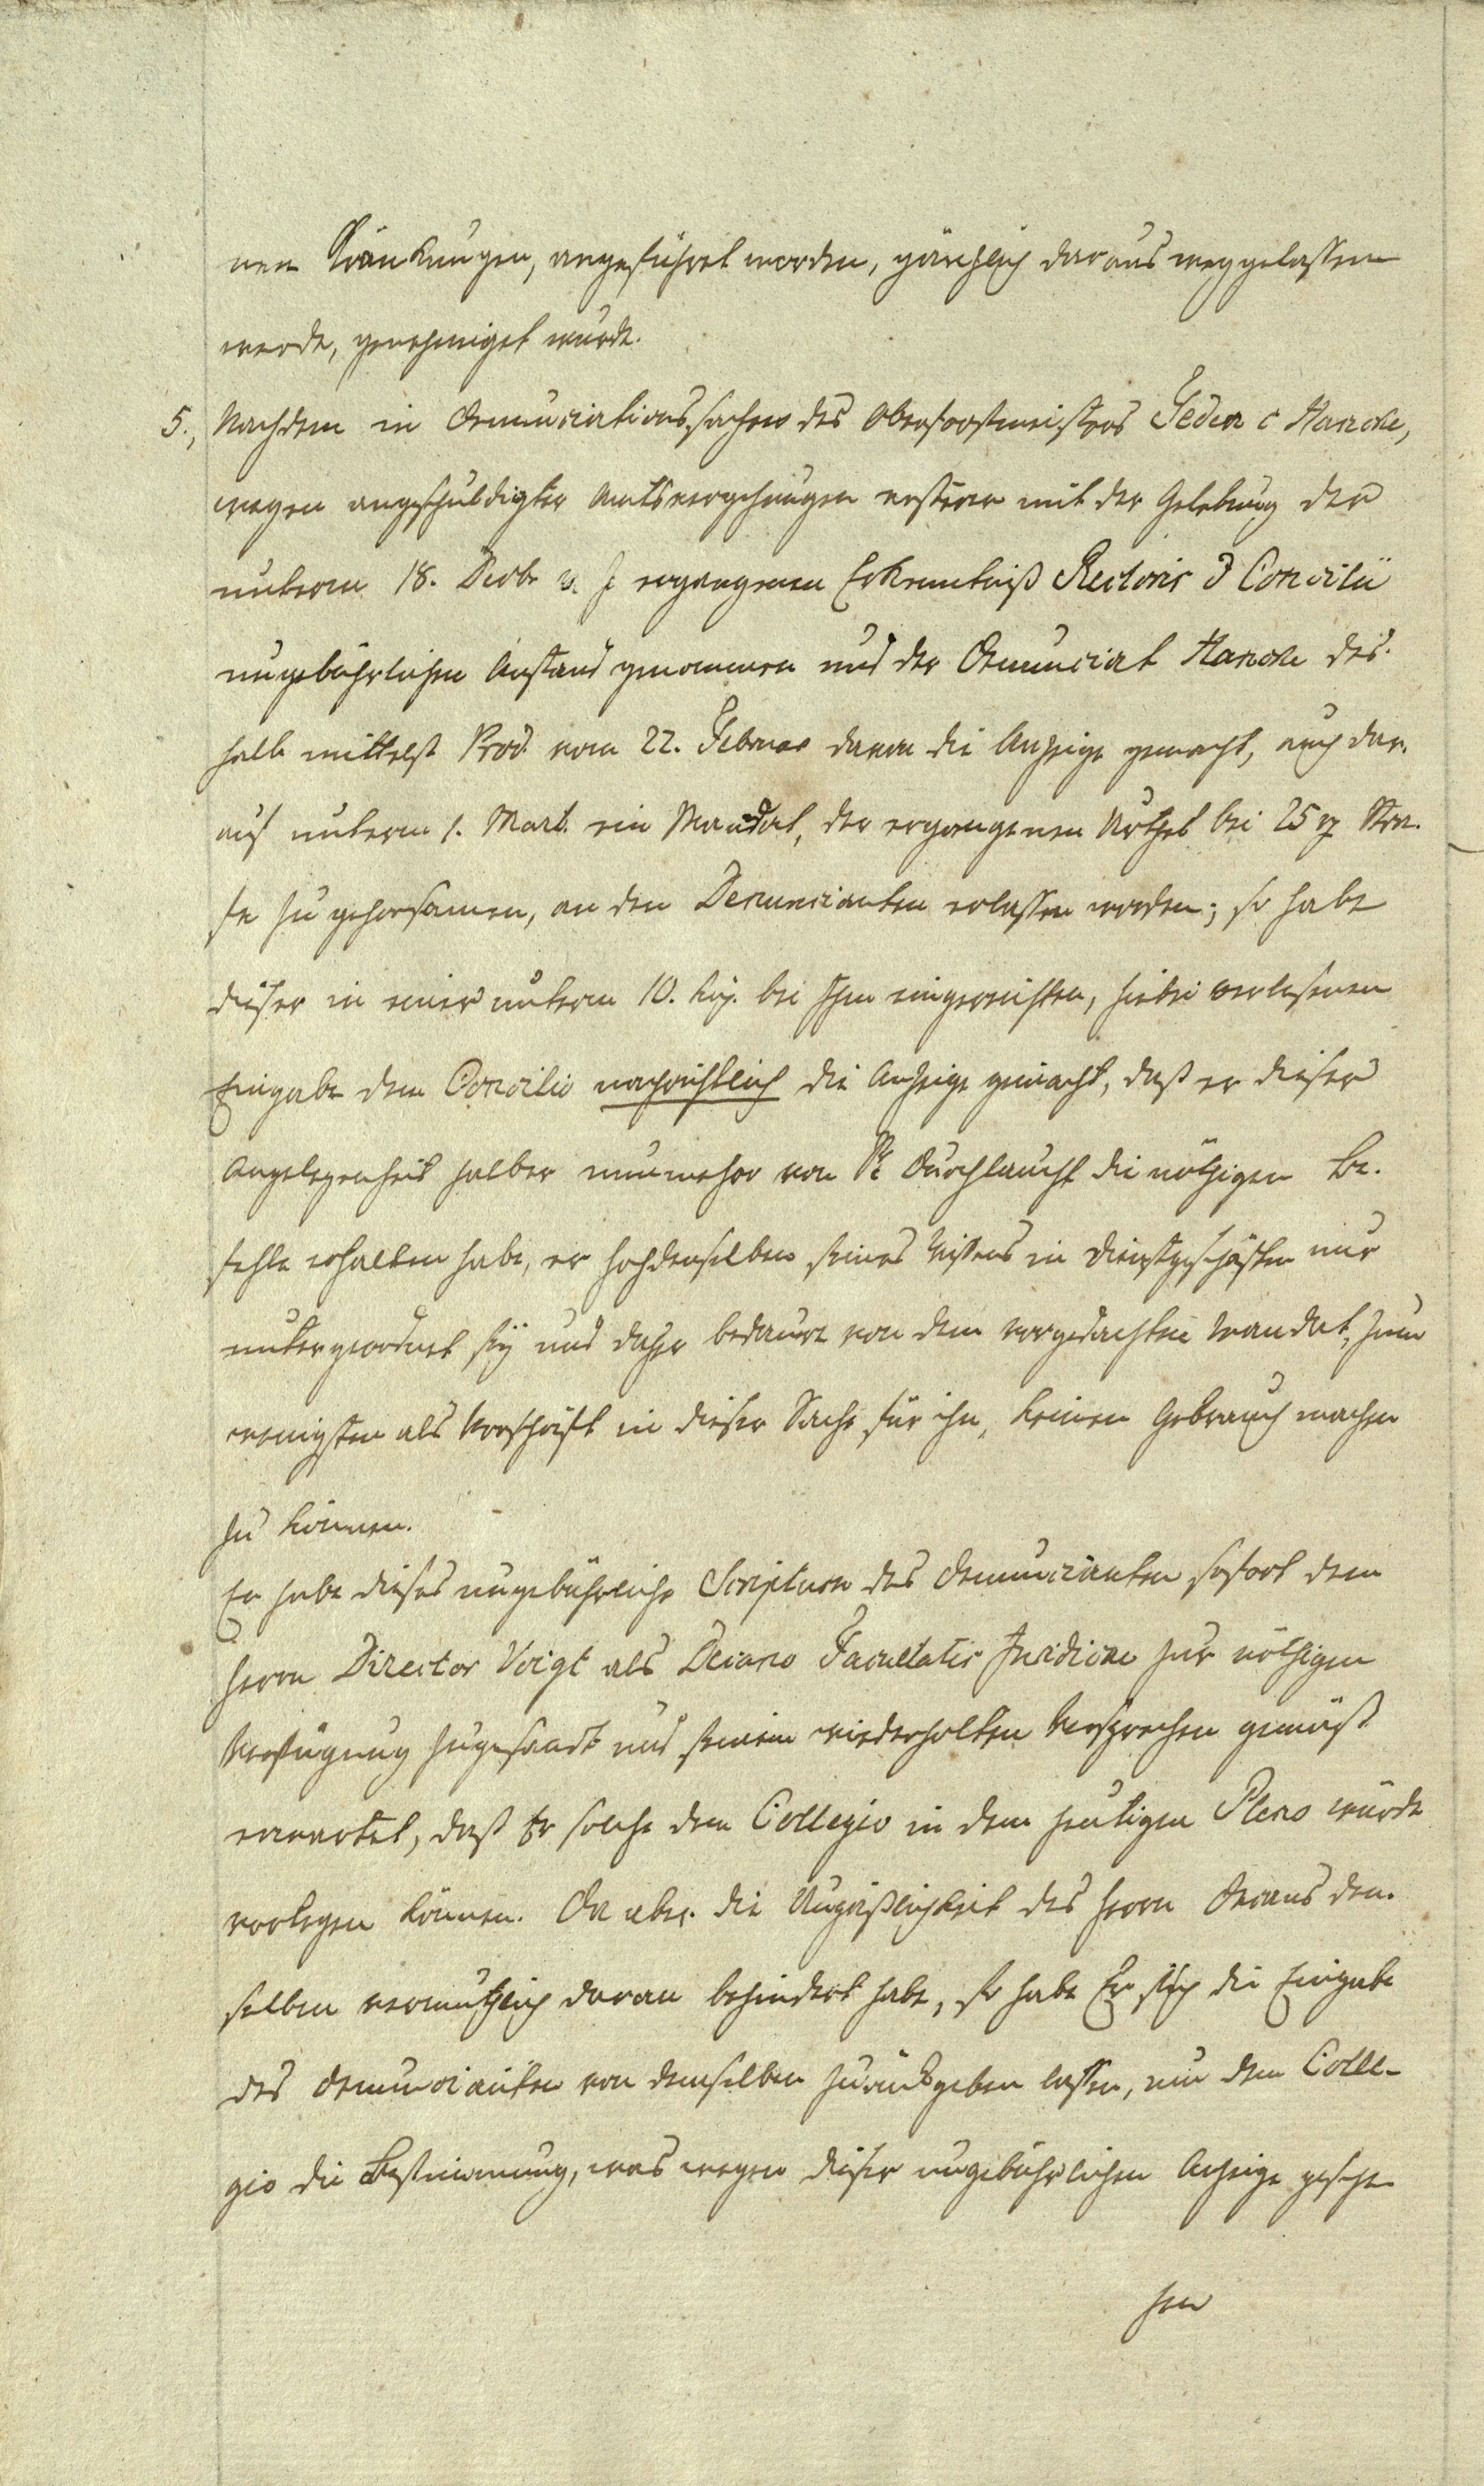nen Kränkungen, angeführet worden, gänzlich daraus weggelassen
werde, genehmiget wurde.
5., Nachdem in Denunciationssachen des Oberforstmeisters Teden c Hancke,
wegen angeschuldigter Amtsvergehungen ersterer mit der Gelebung der
unterm 18. Decbr v. J. ergangenen Erkenntniß Rectoris et Concilii
ungebührlichen Anstand genommen und der Aemumciat Hancke des¬
halb mittelst Prod. vom 22. Februar davon die Anzeige gemacht, auch dar¬
auf unterm 1. Mart ein Mandat, der ergangenen Urthel bei 25 rt Stra¬
fe zu gehorsamen, an den Denuncianten erlassen worden; so habe
dieser in einer unterm 10. huj. bei Ihm eingereichten, hiebei verlesenen
Eingabe dem Concilii nachrichtlich die Anzeige gemacht, daß er dieser
Angelegenheit halber nunmehro von Sr. Durchlaucht die nöthigen Be¬
fehle erhalten habe, er hochdenselben seines Wissens in Dienstgeschäften nur
untergeordnet seÿ und daher bedaure von dem vorgedachten Mandat, zum
wenigsten als Vorschrift in dieser Sache für ihn, keinen Gebrauch machen
zu können.
Er habe dieses ungebührliche Scriptum des Denuncianten sofort dem
Herrn Director Voigt als Decano Facultatis Juridicae zur nöthigen
Verfügung zugesandt und seinem wiederholten Versprechen gemäß
erwartet, daß Er solche dem Collegio in dem heutigen Pleno würde
vorlegen können. Da aber die Unpäßlichkeit des Herrn Decans den¬
selben vermuthlich daran behindert habe, so habe Er sich die Eingabe
des Deununcianten von demselben zurückgeben lassen, um dem Colle¬
gio die Bestimmung, was wegen dieser ungebührlichen Anzeige gesche¬
hen